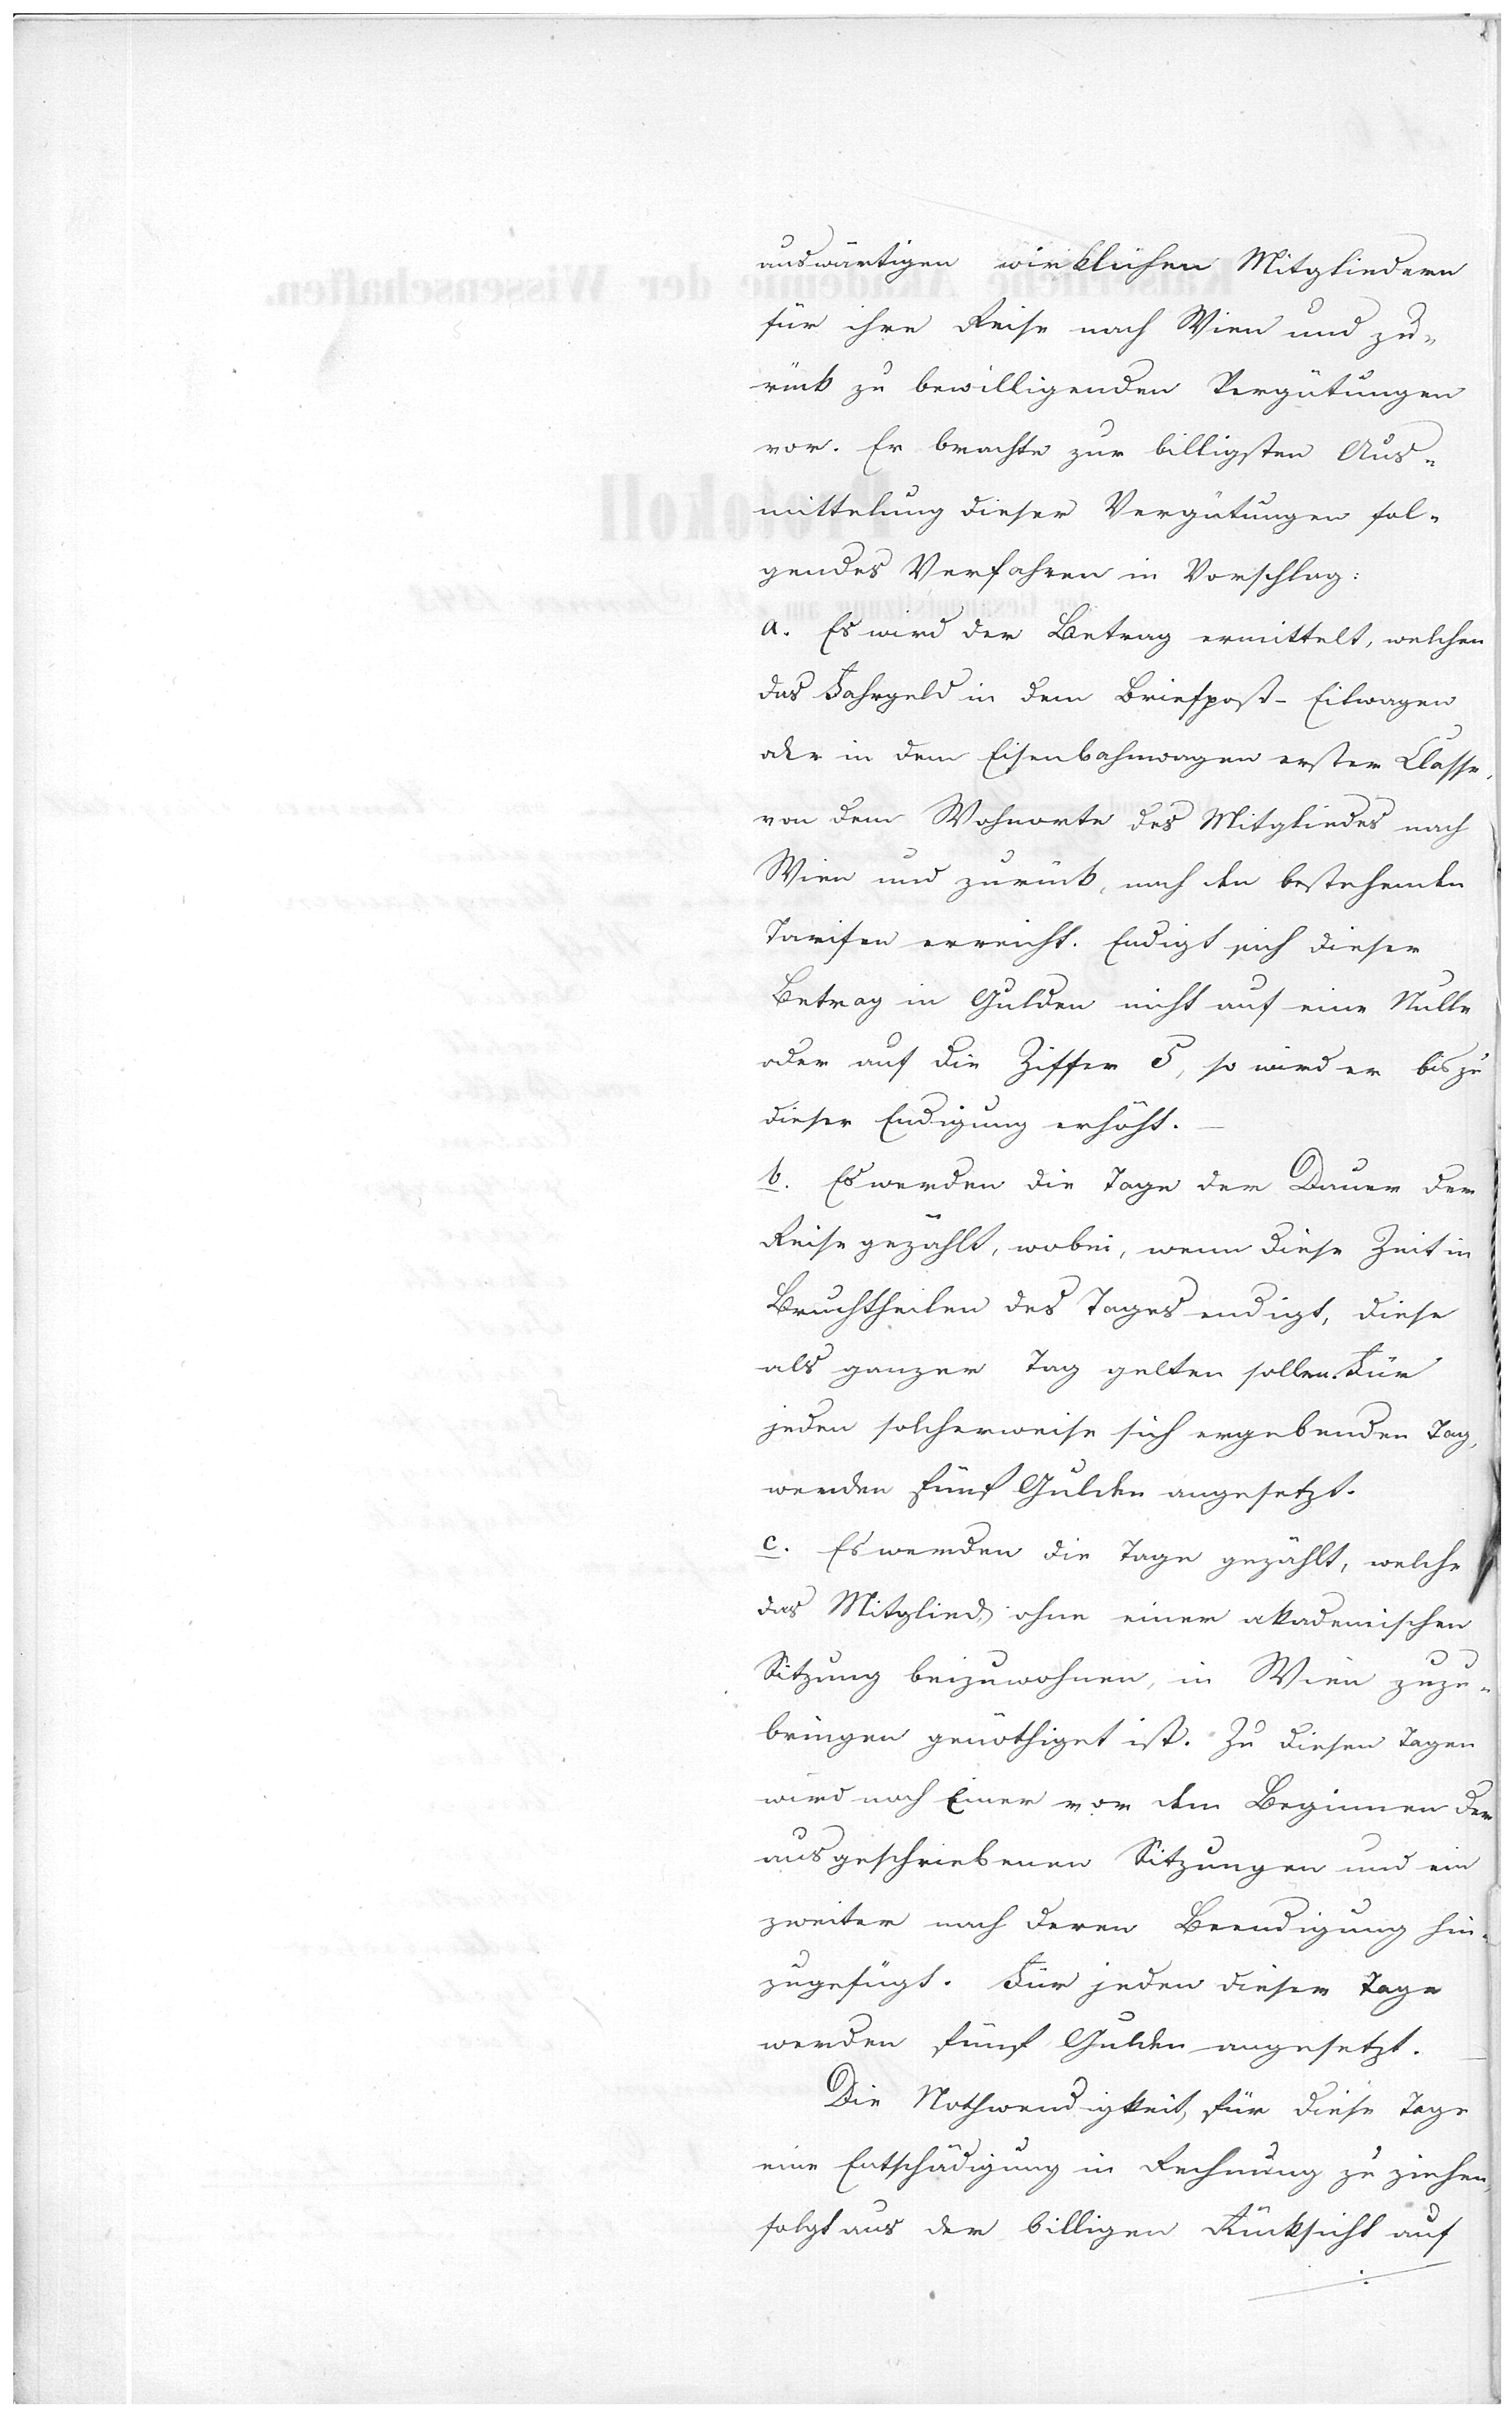auswärtigen wirklichen Mitgliedern
für ihre Reise nach Wien und zu-
rück zu bewilligenden Vergütungen
vor. Er brachte zur billigsten Aus-
mittelung dieser Vergütungen fol-
genden Verfahren in Vorschlag:
a. Es wird der Betrag ermittelt, welchen
das Fahrgeld in dem Briefpost-Eilwagen
oder in dem Eisenbahnwagen erster Classe
von dem Wohnorte des Mitgliedes nach
Wien und zurück, nach den bestehenden
Tarifen erreicht. Endigt sich dieser
Betrag in Gulden nicht auf eine Nulle
oder auf die ziffer 5, so wird er bis zu
dieser Endigung erhöht.
b. Es werden die Tage der Dauer der
Reise gezählt, wobei, wenn diese Zeit in
Bruchtheilen des Tages endigt, diese
als ganzer Tag gelten sollen. Für
jeden solcherweise sich ergebenden Tag
werden fünf Gulden angesetzt.
c. Es werden die Tage gezählt, welche
das Mitglied ohne einer akademischen
Sitzung beizuwohnen, in Wien zuzu-
bringen genöthiget ist. Zu diesen Tagen
wird nach Einer vor dem Beginnen der
ausgeschriebenen Sitzungen und ein
zweiter nach deren Beendigung hin-
zugefügt. Für jeden dieser Tage
werden fünf Gulden angesetzt.
Die Nothwendigkeit, für diese Tage
eine Entschädigung in Rechnung zu ziehen,
folgt aus der billigen Rücksicht auf